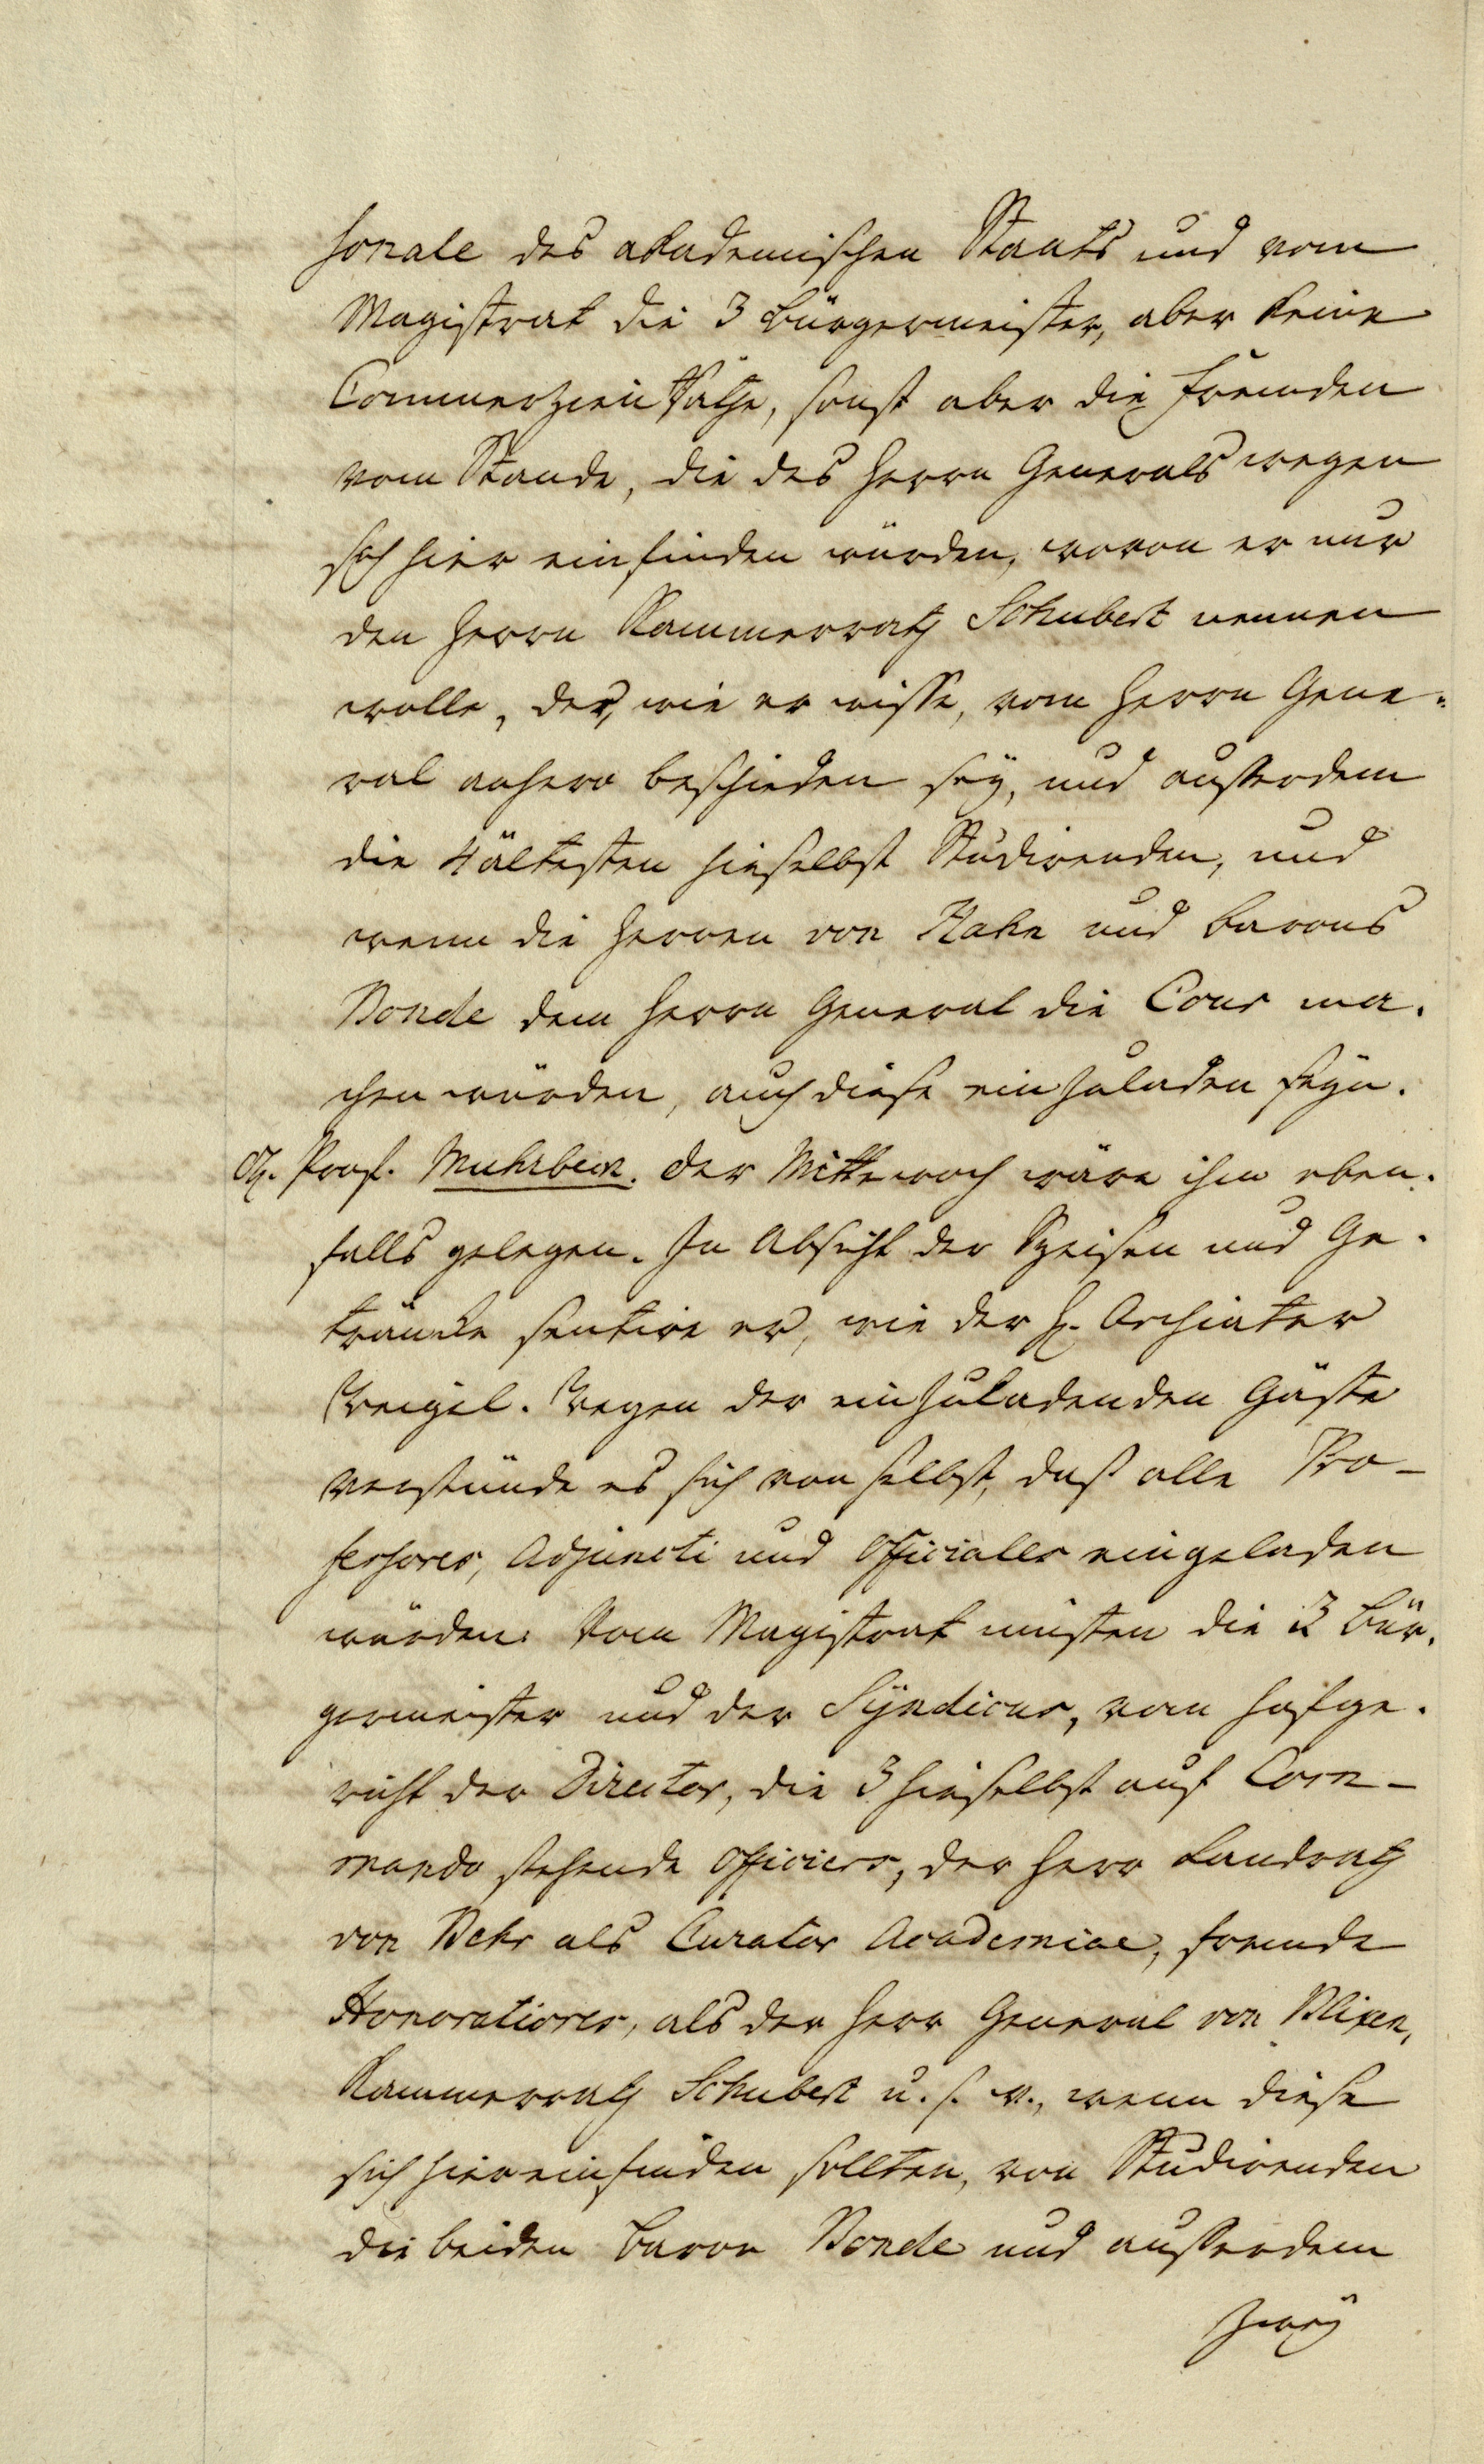sonale des akademischen Staats und vom
Magistrat die 3 Bürgermeister, aber keine
Commerzien Räthe, sonst aber die Fremden
vom Stande, die des Herrn Generals wegen
sich hier ein finden würden, wovon er nur
den Herrn Kammerrath Schubert nennen
wolle, der wie er wisse, vom Herrn Gene¬
ral anhero beschieden seÿ, und ausserdem
die 4 ältesten hieselbst Studirenden, und
wenn die Herren von Hahn und Barons
Bonde dem Herrn General die Cour ma¬
chen würden, auch diese einzuladen seÿn.
dh. Prof. Muhrbeck. Der Mittewoch wäre ihm eben¬
falls gelegen. In Absicht der Speisen und Ge¬
träncke sentire er, wie der H. Archiater
Weigel. Wegen der einzuladenden Gäste
verstünde es sich von selbst, daß alle Pro¬
fessores, Adjuncti und Officiales eingeladen
würden: Vom Magistrat müßten die 3 Bür¬
germeister und der Sÿndicus, vom Hofge¬
richt der Director, die 3 hieselbst auf Com¬
mando stehende Officiers, der Herr Landrath
von Behr als Curator Academiae, fremde
Honoratiores, als der Herr General von Blixen,
Kammerrath Schubert u. s. w., wenn diese
sich hier einfinden sollten, von Studirenden
die beiden Baron Bonde und ausserdem
zweÿ